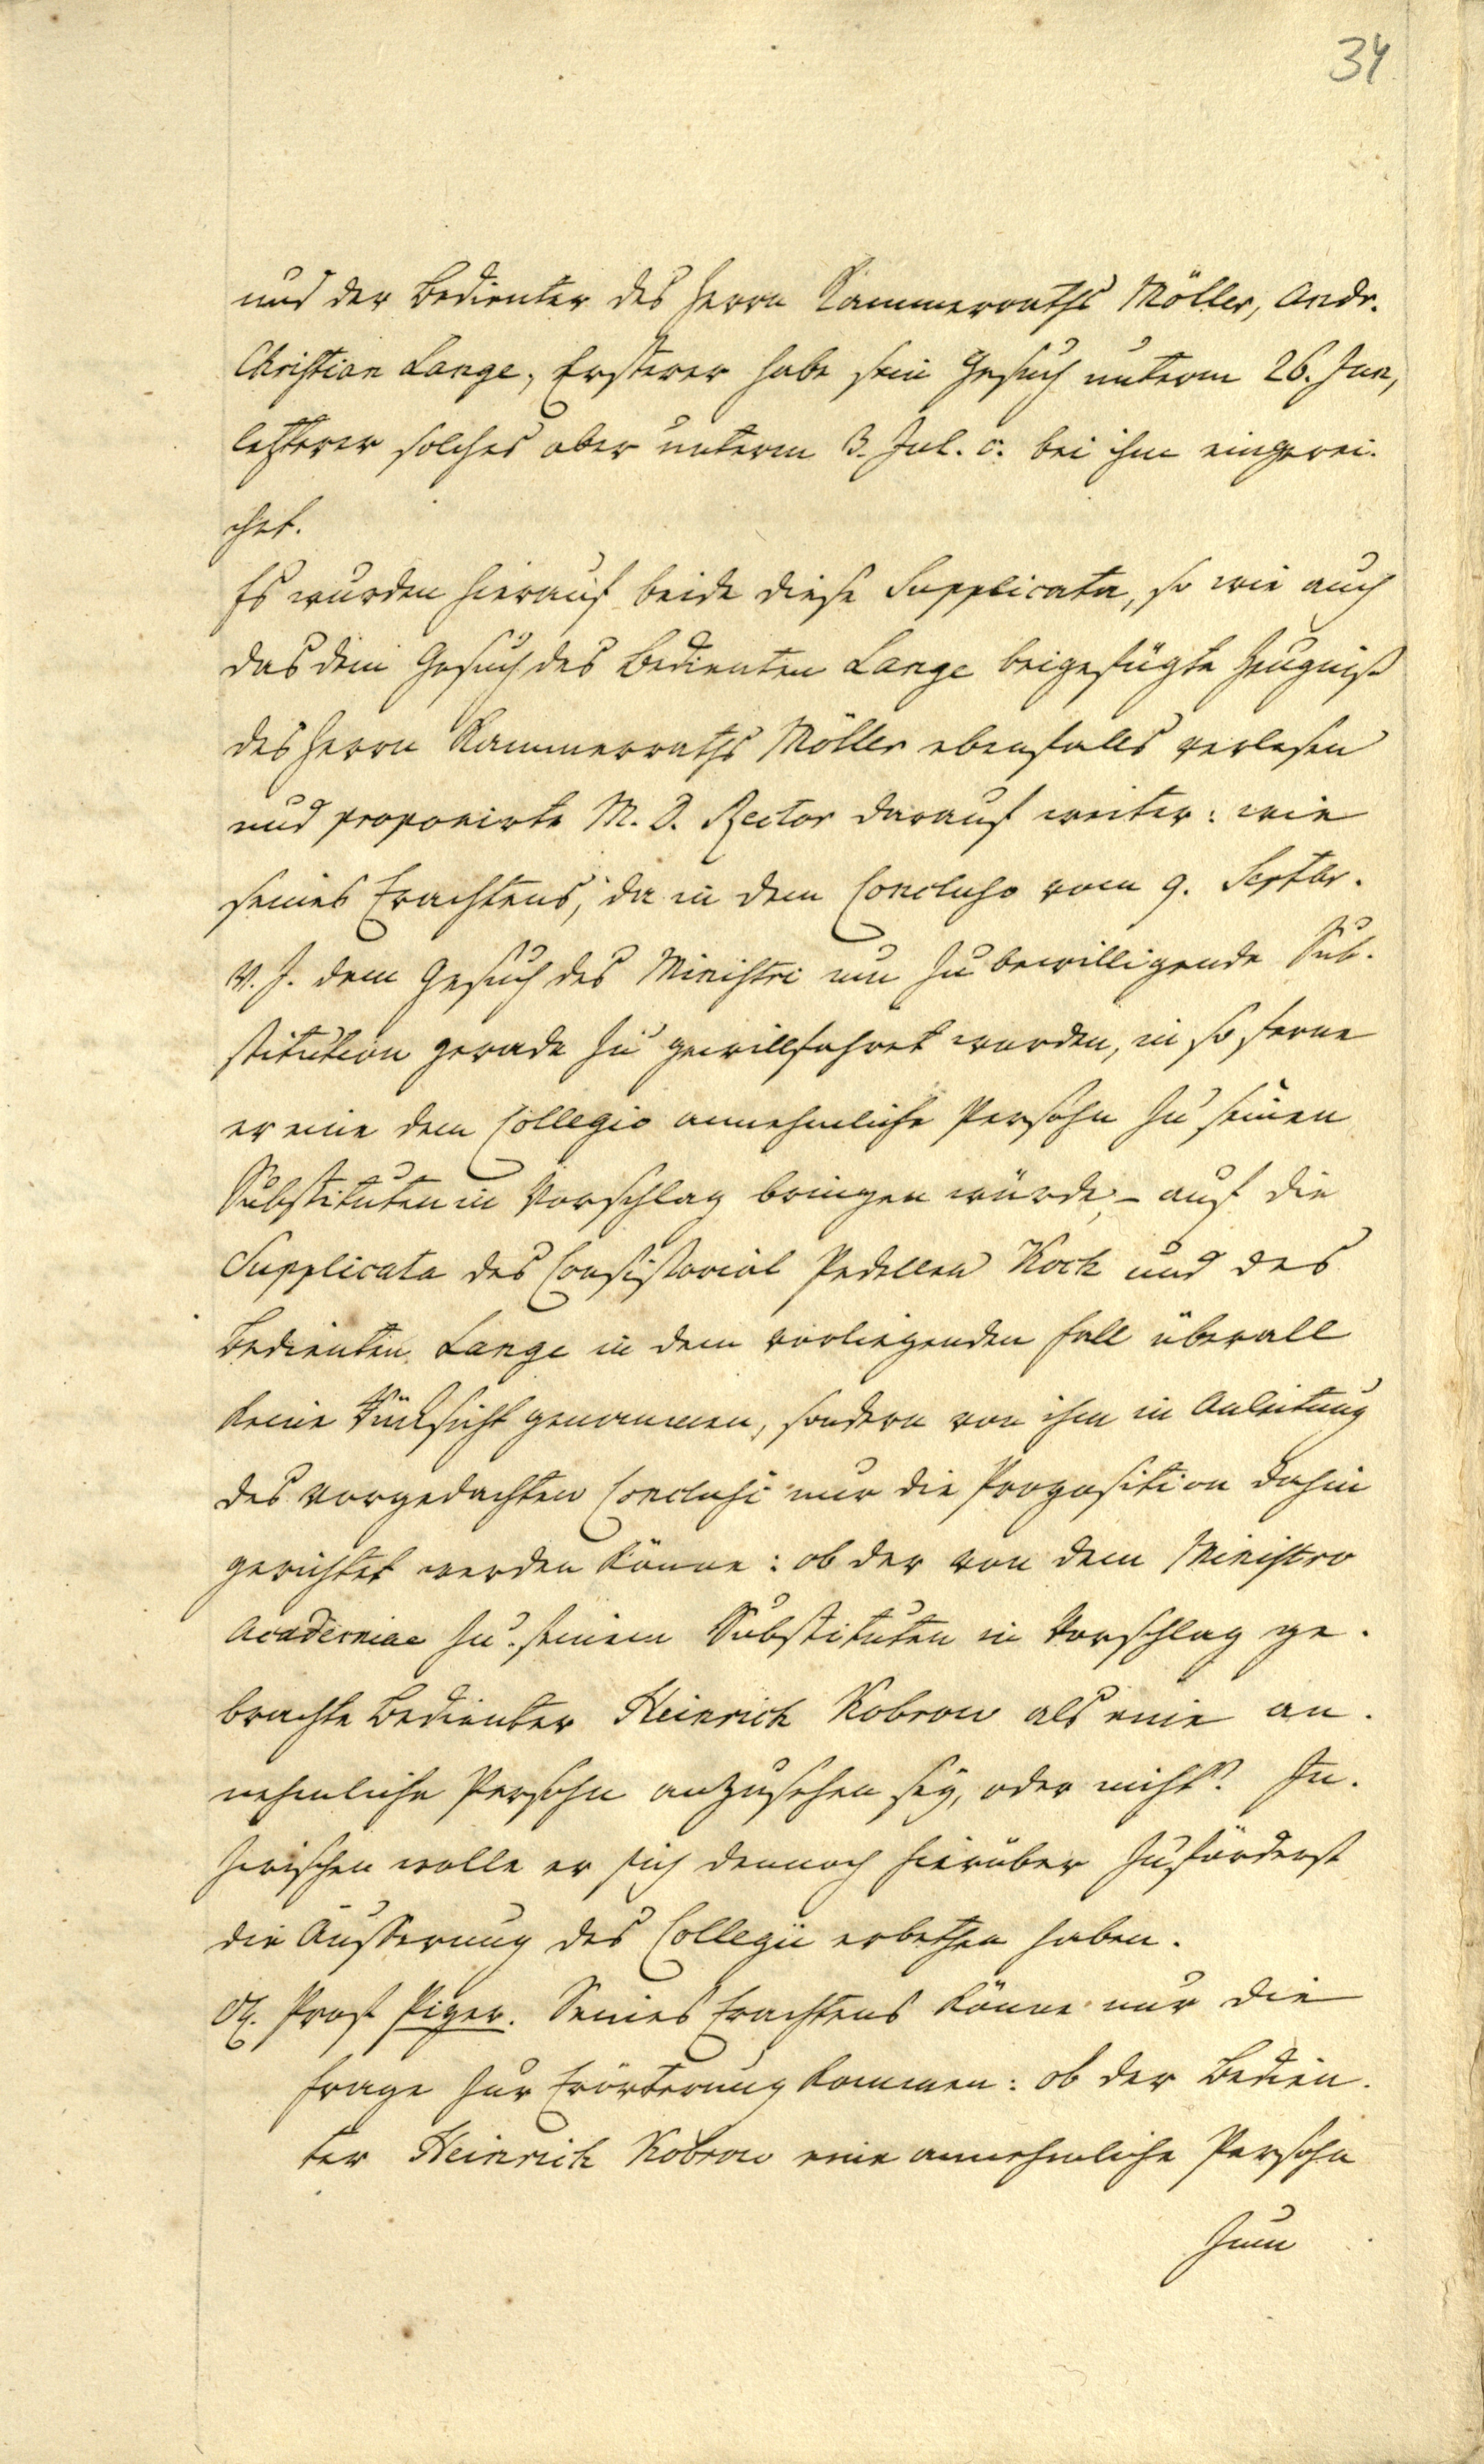und der Bedienter des herrn Kammerraths Möller, Andr.
Christian Lange, Ersterer habe sein Gesuch unterm 26. Jun.,
letzterer solches aber unterm 3. Jul. c. bei ihm eingerei¬
chet.
Es wurden hierauf beide diese Supplicata, so wie auch
das dem Gesuch des Bedienten Lange beigefügte Zeugniß
des herrn Kammerraths Möller ebenfalls verlesen
und proponirte M. D. Rector darauf weiter: wie
seines Erachtens, da in dem Concluso vom 9. Septbr.
v. J. dem Gesuch des Ministri um zu bewilligende Sub¬
stitution gerade zu gewillfahret wurden, in so ferne
er eine dem Collegio annehmliche Persohn zu seinen
Substituten in Vorschlag bringen würden, auf die
Supplicata des Consistorial Pedellen Koch und des
Bedienten Lange in dem vorliegenden fall überall
keine Rücksicht genommen, sondern von ihm in Anleitung
des vorgedachten Conclusi nur die Proposition dahin
gerichtet werden könne: ob der von dem Ministro
Academiae zu seinem Substituten in Vorschlag ge¬
brachte Bedienter Heinrich Kobrow als eine an¬
nehmliche Persohn anzusehen seÿ, oder nicht. In¬
zwischen wolle er sich dennoch hierüber zuförderst
die Äusserung des Collegii erbethen haben.
dh. Prof. Piper. Seines Erachtens könne nur die
frage zur Erörterung kommen: ob der Bedien¬
ter Heinrich Kobrow eine annehmliche Persohn
zum